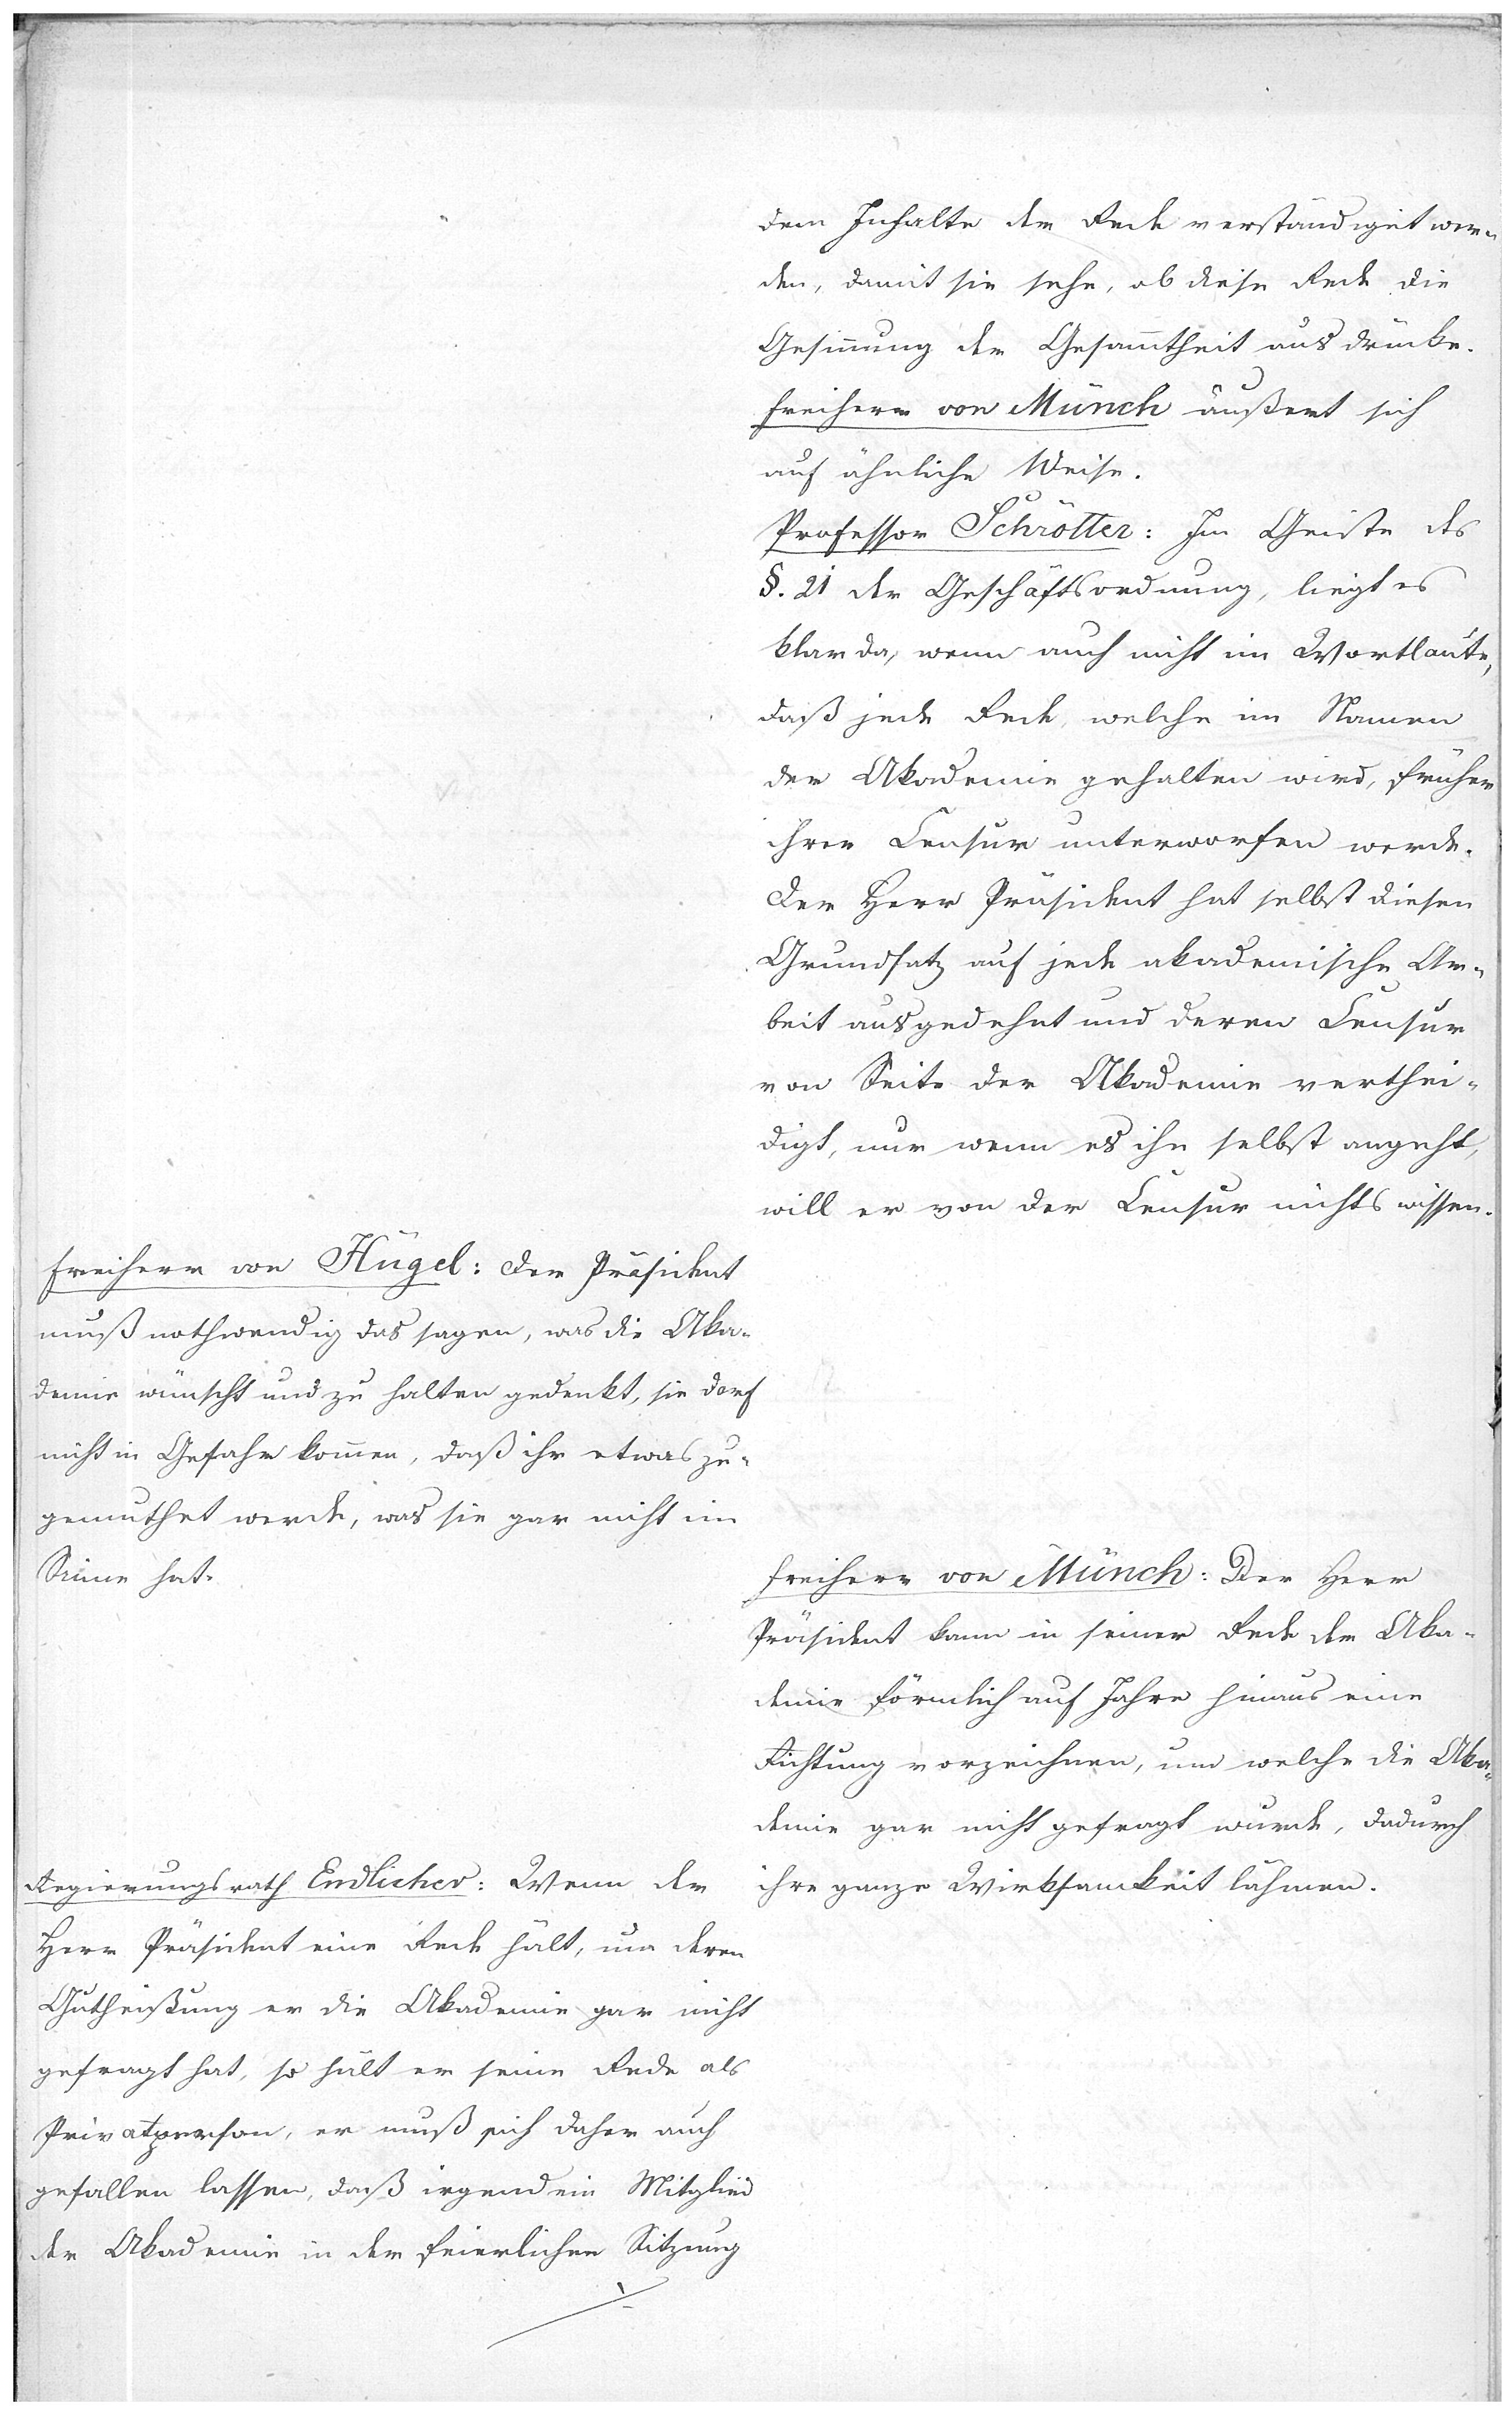dem Inhalte der Rede verständiget wer-
den, damit siesehe, ob diese Rede die
Gesinnung der Gesammtheit ausdrücke.
Freiherr von Münch äußert sich
auf ähnliche Weise
Professor SchrötteR: Im Geiste des
§. 21 der Geschäftsordnung liegt es
klar da, wenn auch nicht im Wortlaute,
daß jede Rede, welche im Namen
der Akademie gehalten wird, früher
ihrer Censur unterworfen werde,
Der Herr Präsident hat selbst diesen
Grundsatz auf jeden akademische Ar-
beit ausgedehnt und deren Censur
von Seite der Akademie verthei-
digt, nur wenn es ihn selbst angeht,
will er von der Censur nichts wissen.
Freiherr von Hügel: Der Präsident
muß nothwendig das sagen, was die Aka-
demie wünscht und zu halten gedenkt, sie darf
nicht in Gefahr kommen, daß ihr etwas zu-
gemuthet werde, was sie gar nicht im
Sinne hat.
Freiherr von Münch: Der Herr
Präsident kann in seiner Rede der Aka-
demie förmlich auf Jahre hinaus eine
Richtung vorzeichnen, um welche die Aka-
demie gar nicht gefragt wurde, dadurch
ihre ganze Wirksamkeit lähmen.
Regierngsrath Endlicher: Wenn der
Herr Präsident eine Rede hält, um deren
Gutheißung er die Akademie gar nicht
gefragt hat, so hält er seine Rede als
Privatperson, er muß sich daher auch
gefallen lassen, daß irgendein Mitglied
der Akademie in der feierlichen Sitzung